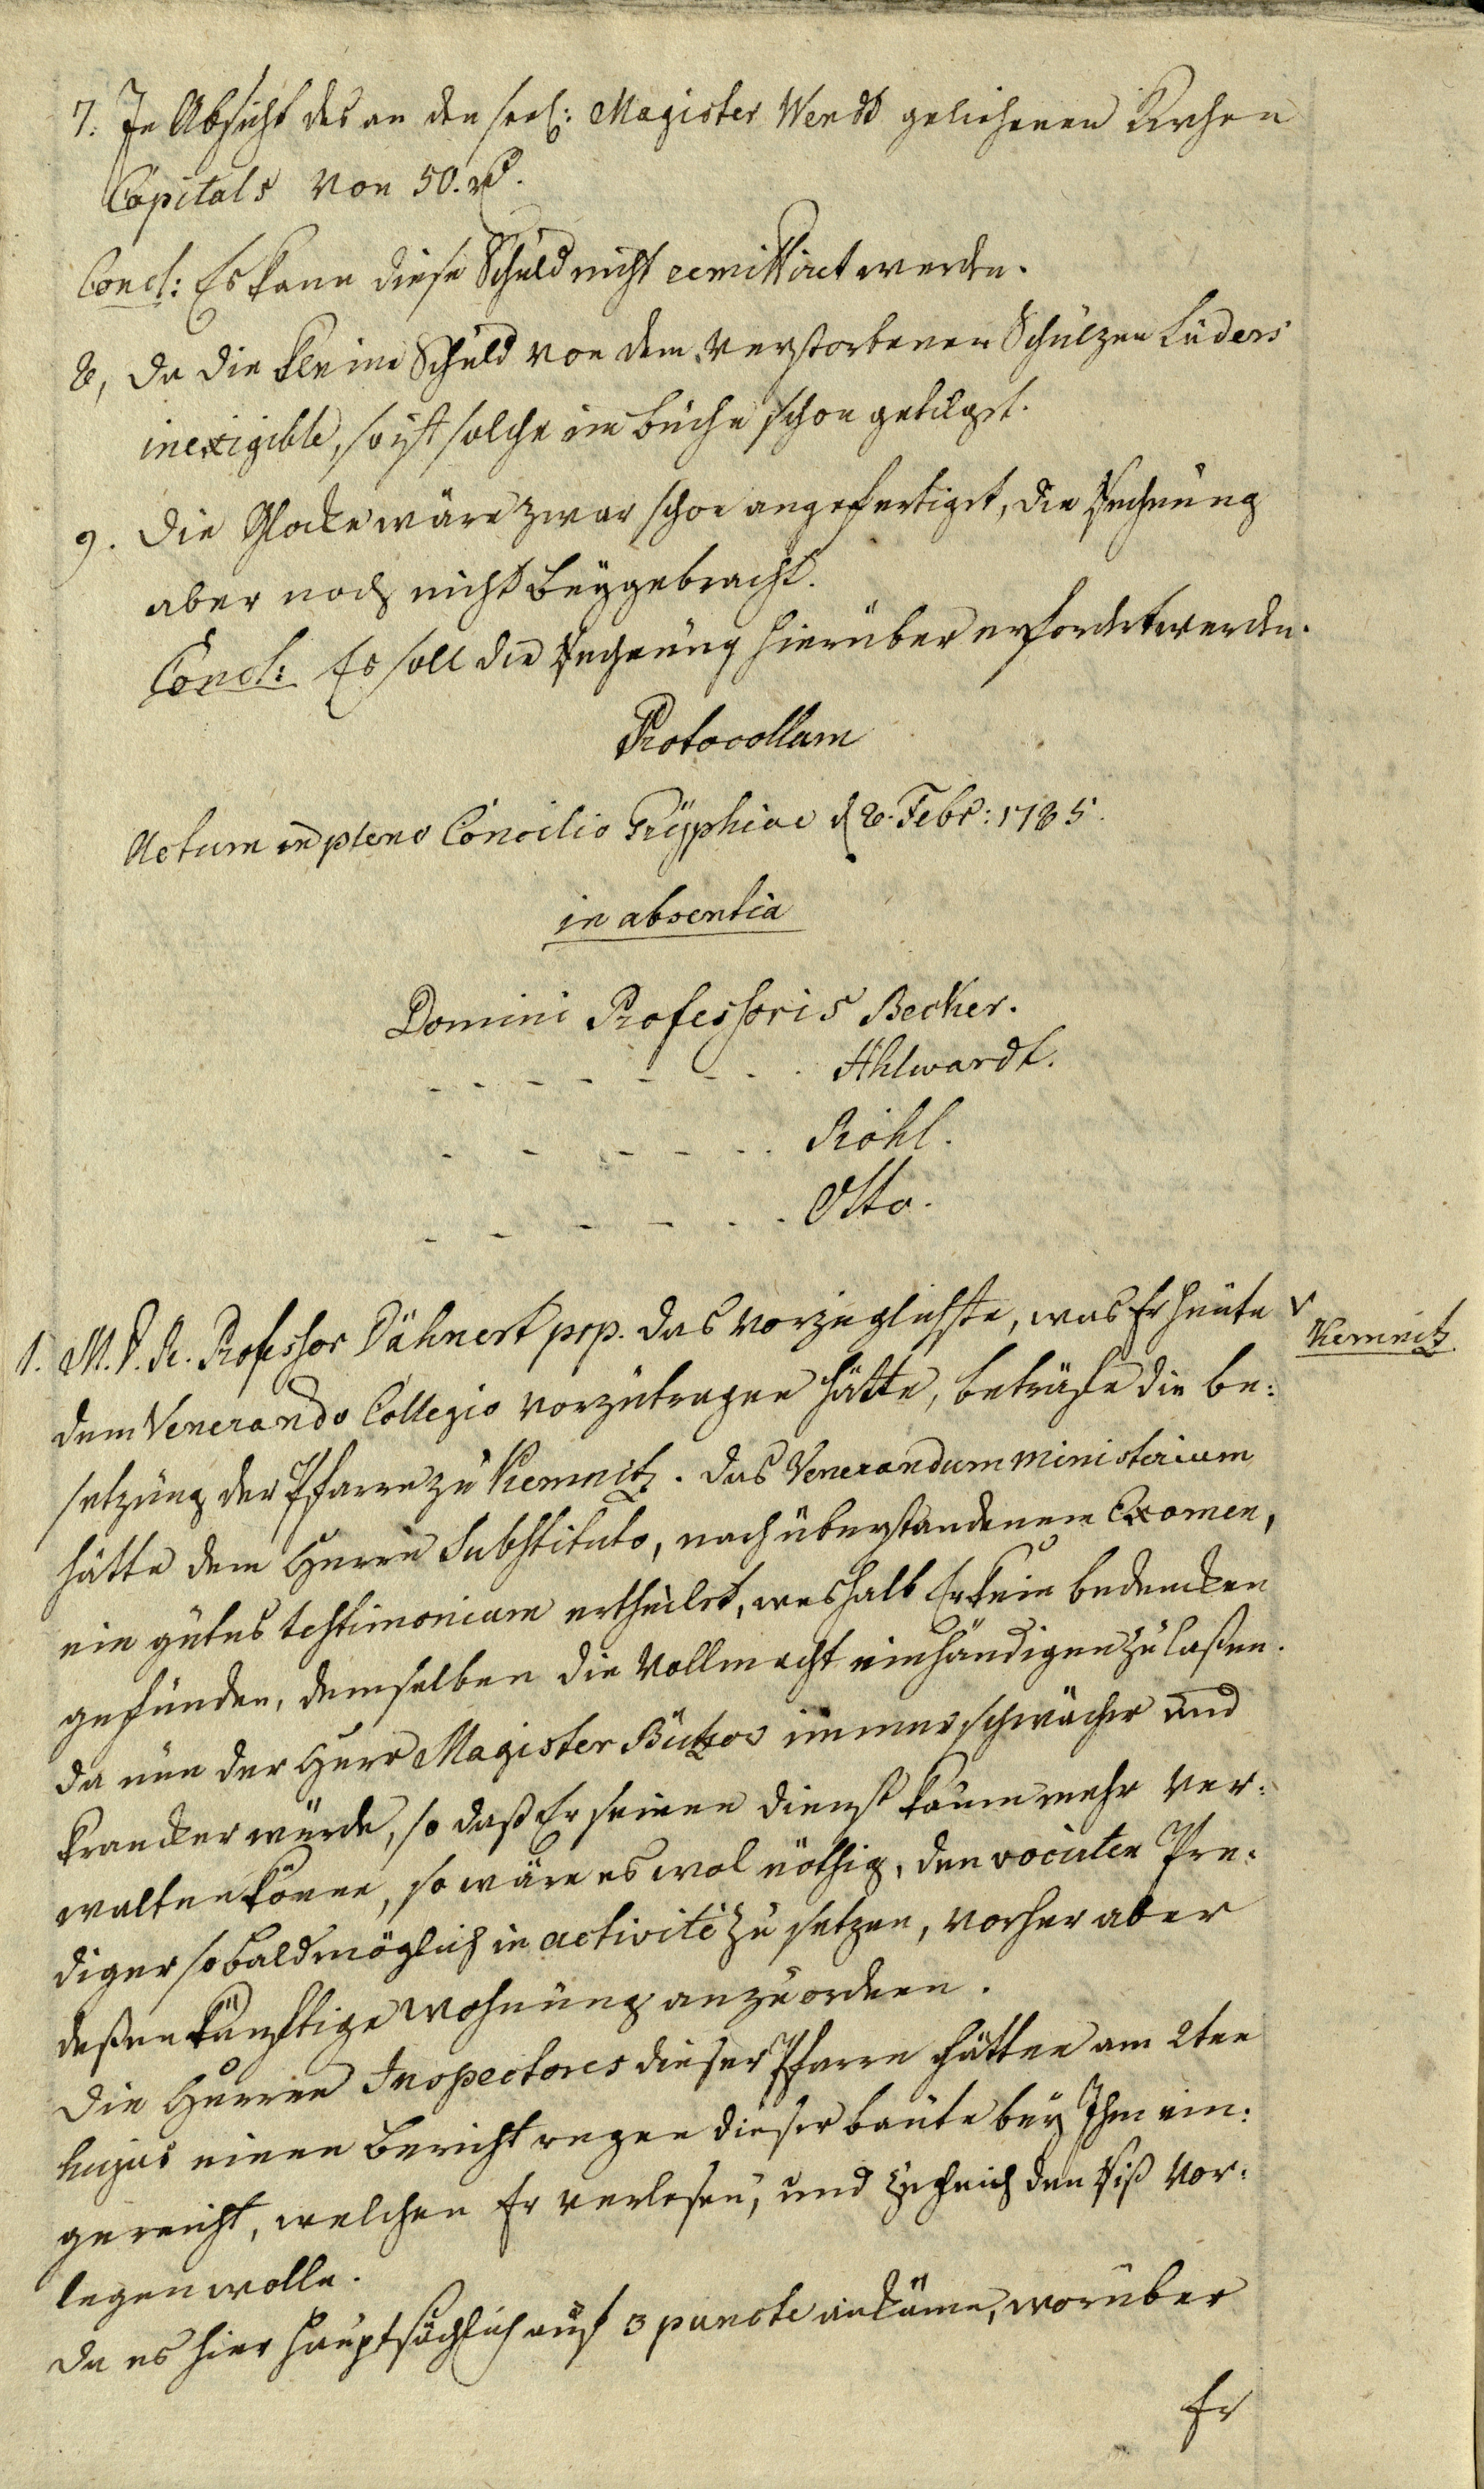7. In Absicht des an den seel. Magister Wendt geliehenen Kirchen
Capitals von 50 r.
Concl. Es kann diese Schuld nicht remittiret werden.
8. Da die kleine Schuld von dem verstorbenen Schulzen Lüders
inexigible, so ist solche im Buche schon getilget.
9. Die Glocke wäre zwar schon angefertiget, die Rechnung
aber noch nicht beÿgebracht.
Concl. Es soll die Rechnung hierüber erfordert werden.
Protocollum
Actum in pleno Concilio Grÿphiae d. 8. Febr. 1785.
in absentia
Domini Professoris Becker.
Ahlwardt.
Röhl.
Otto.
1. M. D. R. Professor Dähnert prp. das vorzüglichste, was Er heute
dem Venerando Collegio vorzutragen hätte, beträfe die be¬
setzung der Pfarre zu Kemnitz. das Venerandum Ministerium
hätte dem Herrn Substituto, nach überstandenem Examen,
ein gutes testimonium ertheilet, weshalb Er kein Bedencken
gefunden, demselben die Vollmacht einhändigen zu laßen.
da nun der Herr Magister Bützow immer schwächer und
krancker würde, so daß Er seinen Dienst kaum mehr ver¬
walten könne, so wäre es wol nöthig, den vocaten Pre¬
diger so bald möglich in activitè zu setzen, vorher aber
deßen künftige Wohnung anzuordnen.
Die Herren Inspectores dieser Pfarre hätten am 2 ten
hujus einen Bericht wegen dieser Baute beÿ Ihm ein¬
gereicht, welchen Er verlesen, und zugleich den Riß vor¬
legen wolle.
Da es hier hauptsächlich auf 3 puncte ankäme, worüber
Er